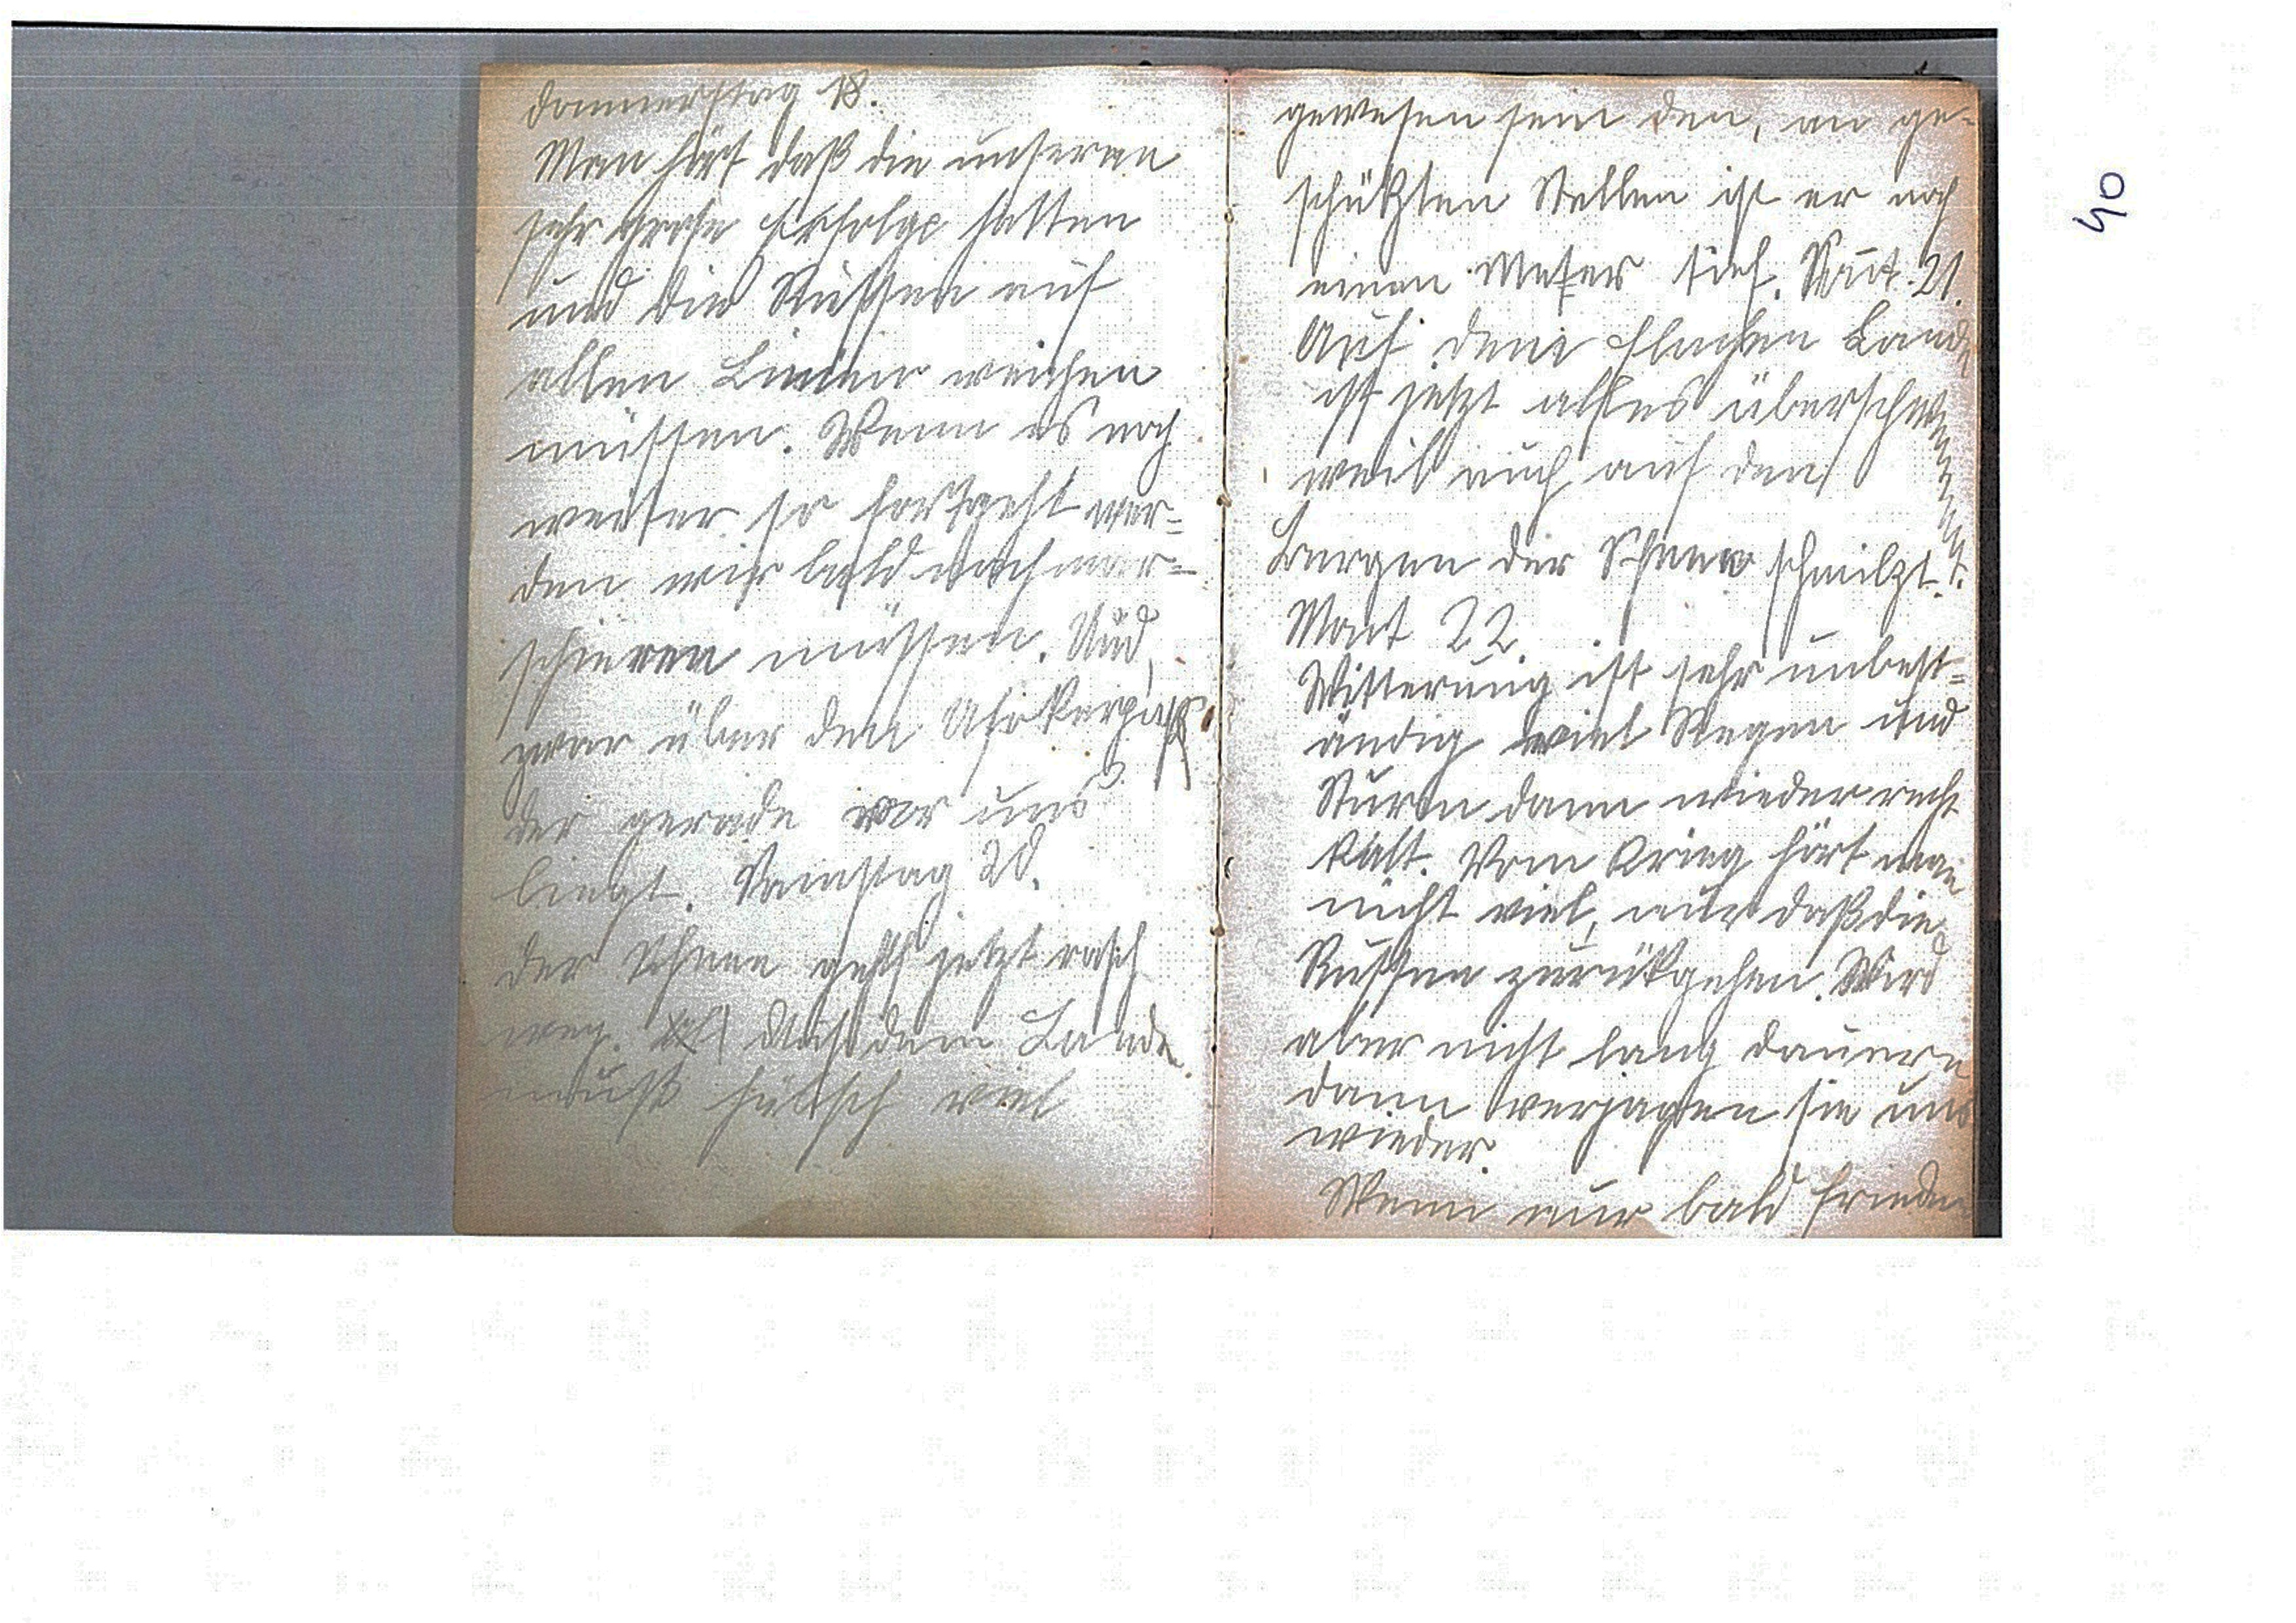Donnerstag 18.
Man hört daß die unseren
sehr große Erfolge hatten
und die Russen auf
allen Bxxx weichen
müssen. Wenn es noch
weiter so fortgeht wer-
den wir bald nach mar-
schieren müssen. Und
zwar über den Asokxx
der gerade vor uns
liegt. Samstag 20.
der Schnee geht jetzt rasch
weg. Auf dem Lande
muß hübsch viel
gewesen sein den an ge-
schützten Stellen ist er noch
einen Meter tief. Sont 21
Auf dem flachen Lande
ist jetzt alles überschwemmt
weil auch auf den
Bergen der Schnee schmilzt.
Mont 22
Witterung ist sehr unbest-
ändig weil Regen und
Sturm dann wieder recht
kalt. Vom Krieg hört man
nicht viel, nur daß die
Russen zurückgehen. Wird
aber nicht lang dauern
dann verjagen sie uns
wieder.
Wenn nur bald Frieden